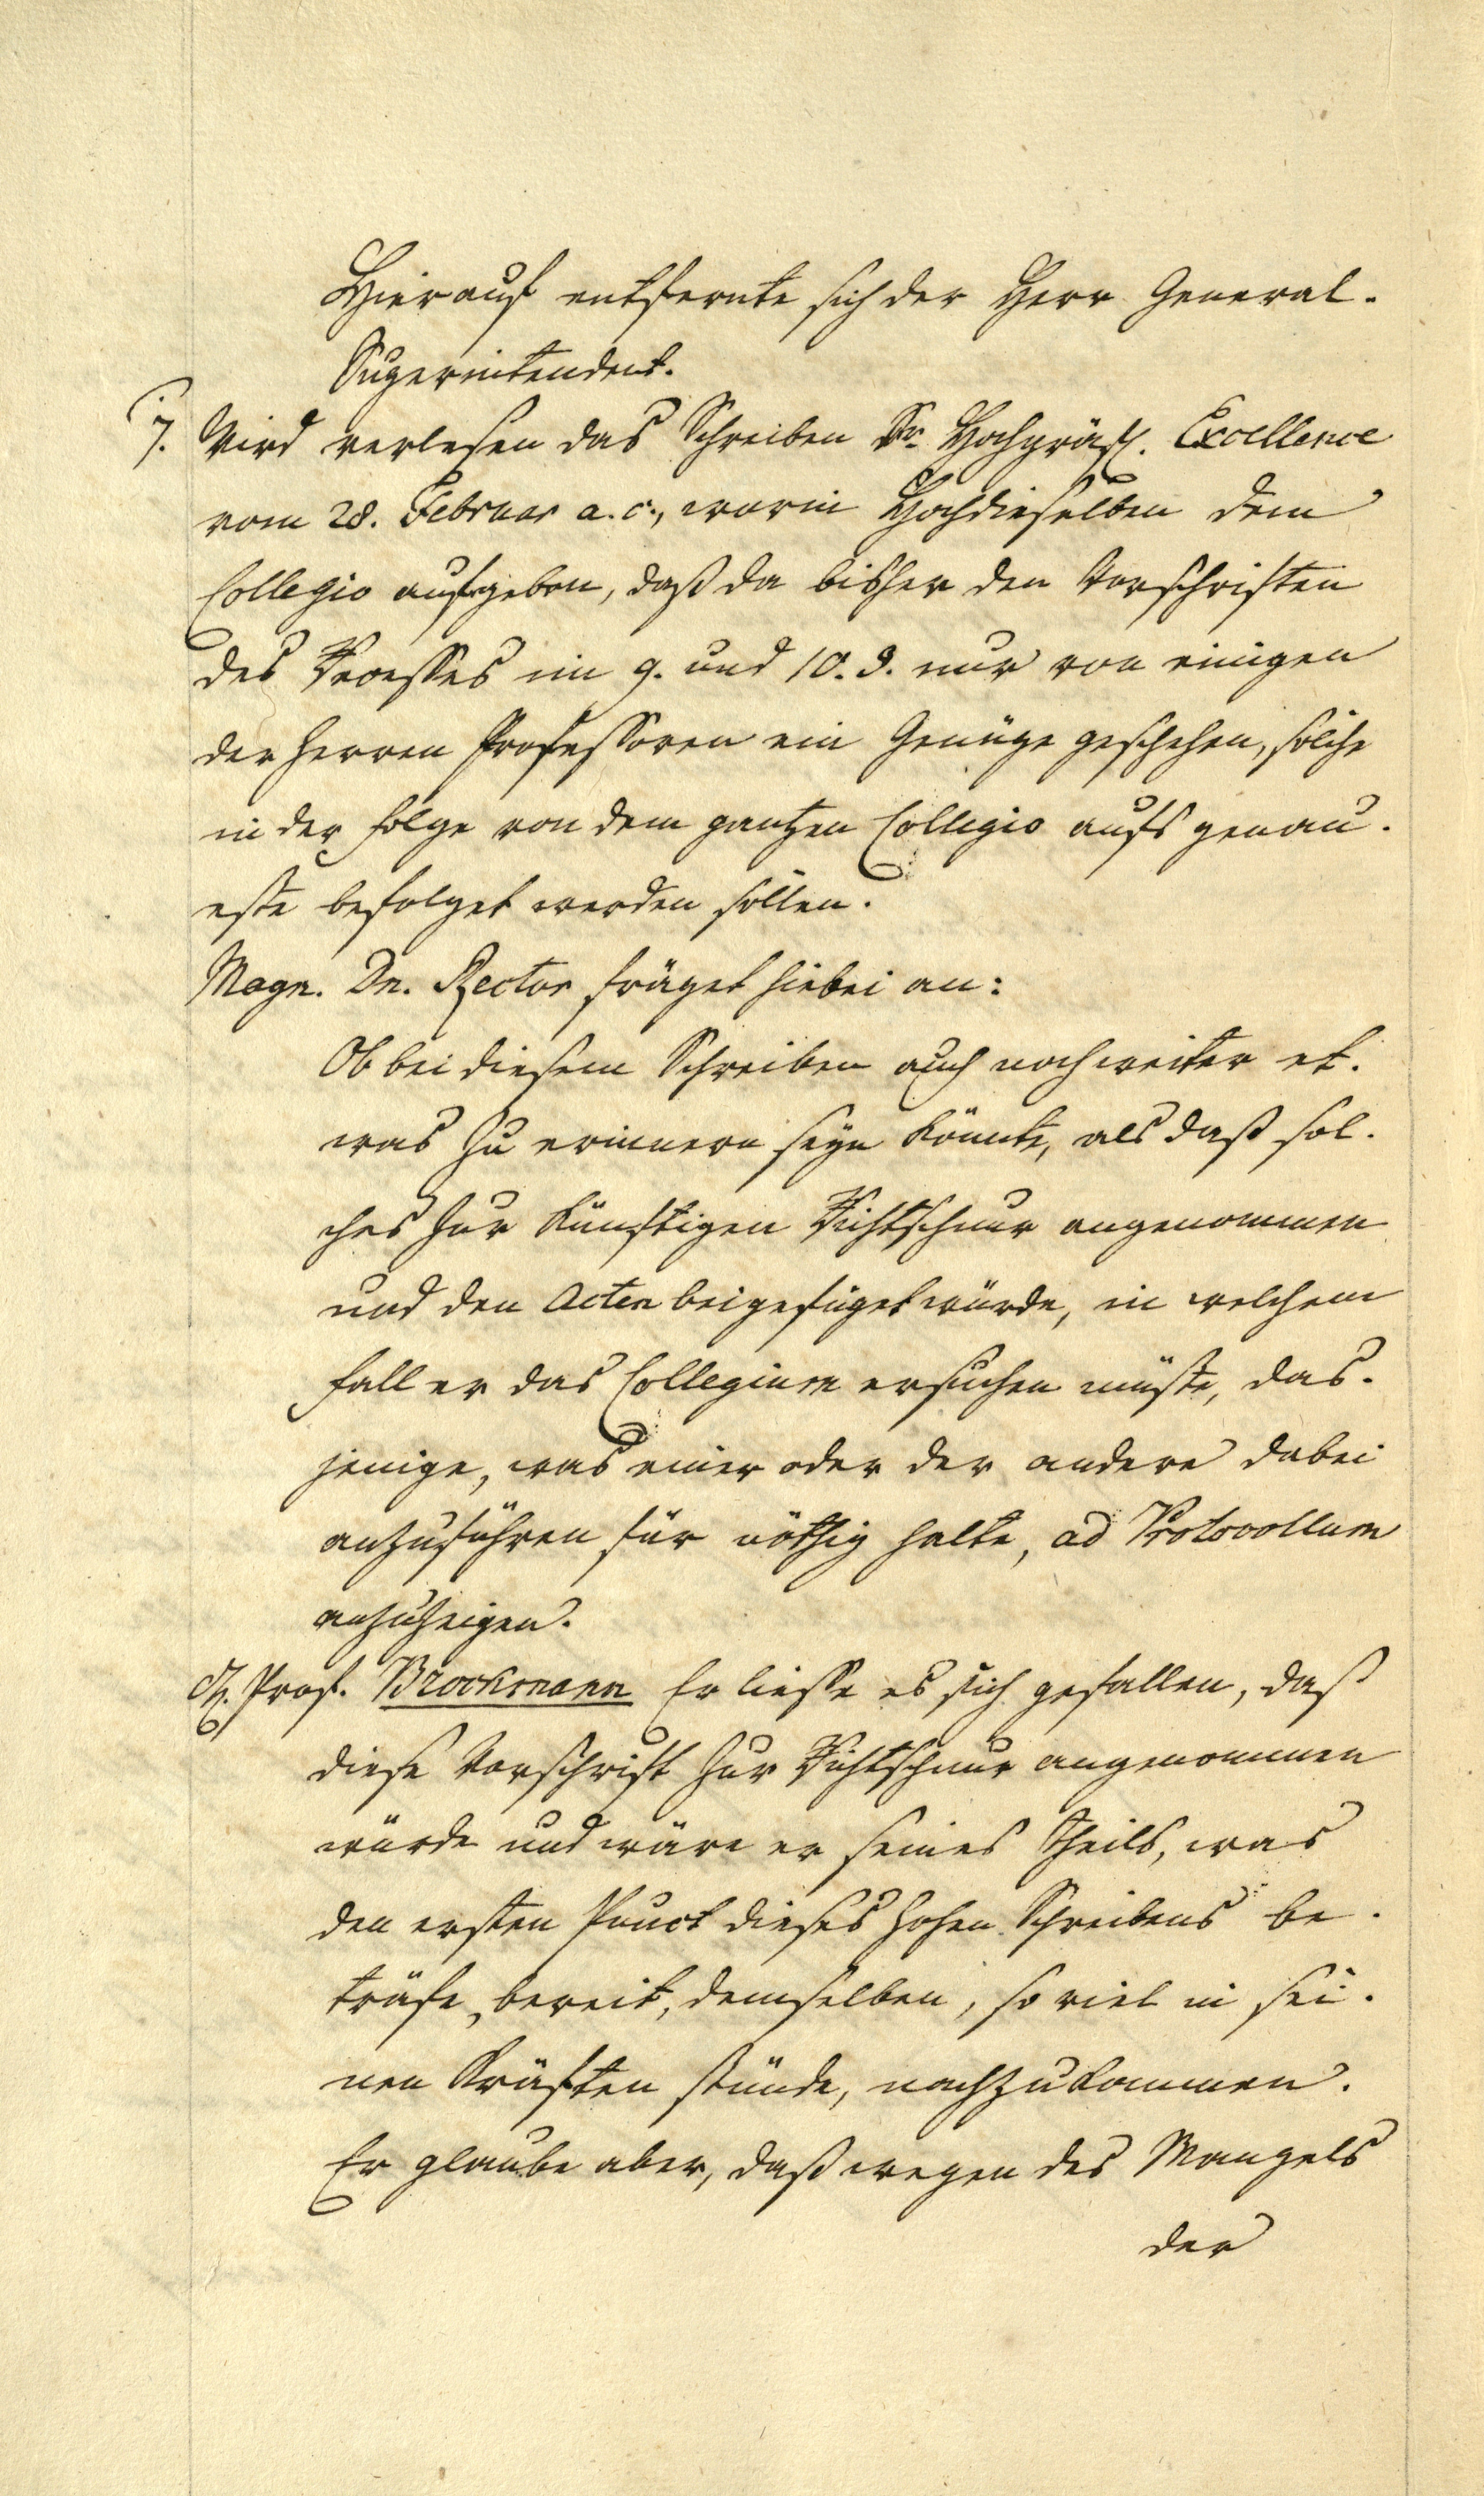Hierauf entfern¬te sich der Herr General
Superintendent.
7. Wird verlesen das Schreiben Sr Hochgräfl. Excellence
vom 28. Februar a. c., worin Hochdieselben dem
Collegio aufgeben, daß da bisher den Vorschriften
des Recesses in 9. und 10. §. nur von einigen
der Herren Professoren ein Genüge geschehen, solche
in der Folge von dem gantzen Collegio aufs genau¬
este befolget werden sollen.
Magn. Dn. Rector fräget hiebei an:
Ob bei diesem Schreiben auch noch weiter et¬
was zu erinnern seÿn könnte, als daß sol¬
ches zur künftigen Richtschnur angenommen
und den Acten beigefüget würde, in welchem
Fall er das Collegium ersuchen müßte, das¬
jenige, was einer oder der andere dabei
anzuführen für nöthig halte, ad Protocollum
anzuzeigen.
dh. Prof. Brockmann Er liesse es sich gefallen, daß
diese Vorschrift zur Richtschnur angenommen
würde und wäre er seines Theils, was
den ersten Punct dieses hohen Schreibens be¬
träfe bereit, demselben, so viel in sei¬
nen Kräften stünde, nachzukommen.
Er glaube aber, daß wegen des Mangels
der